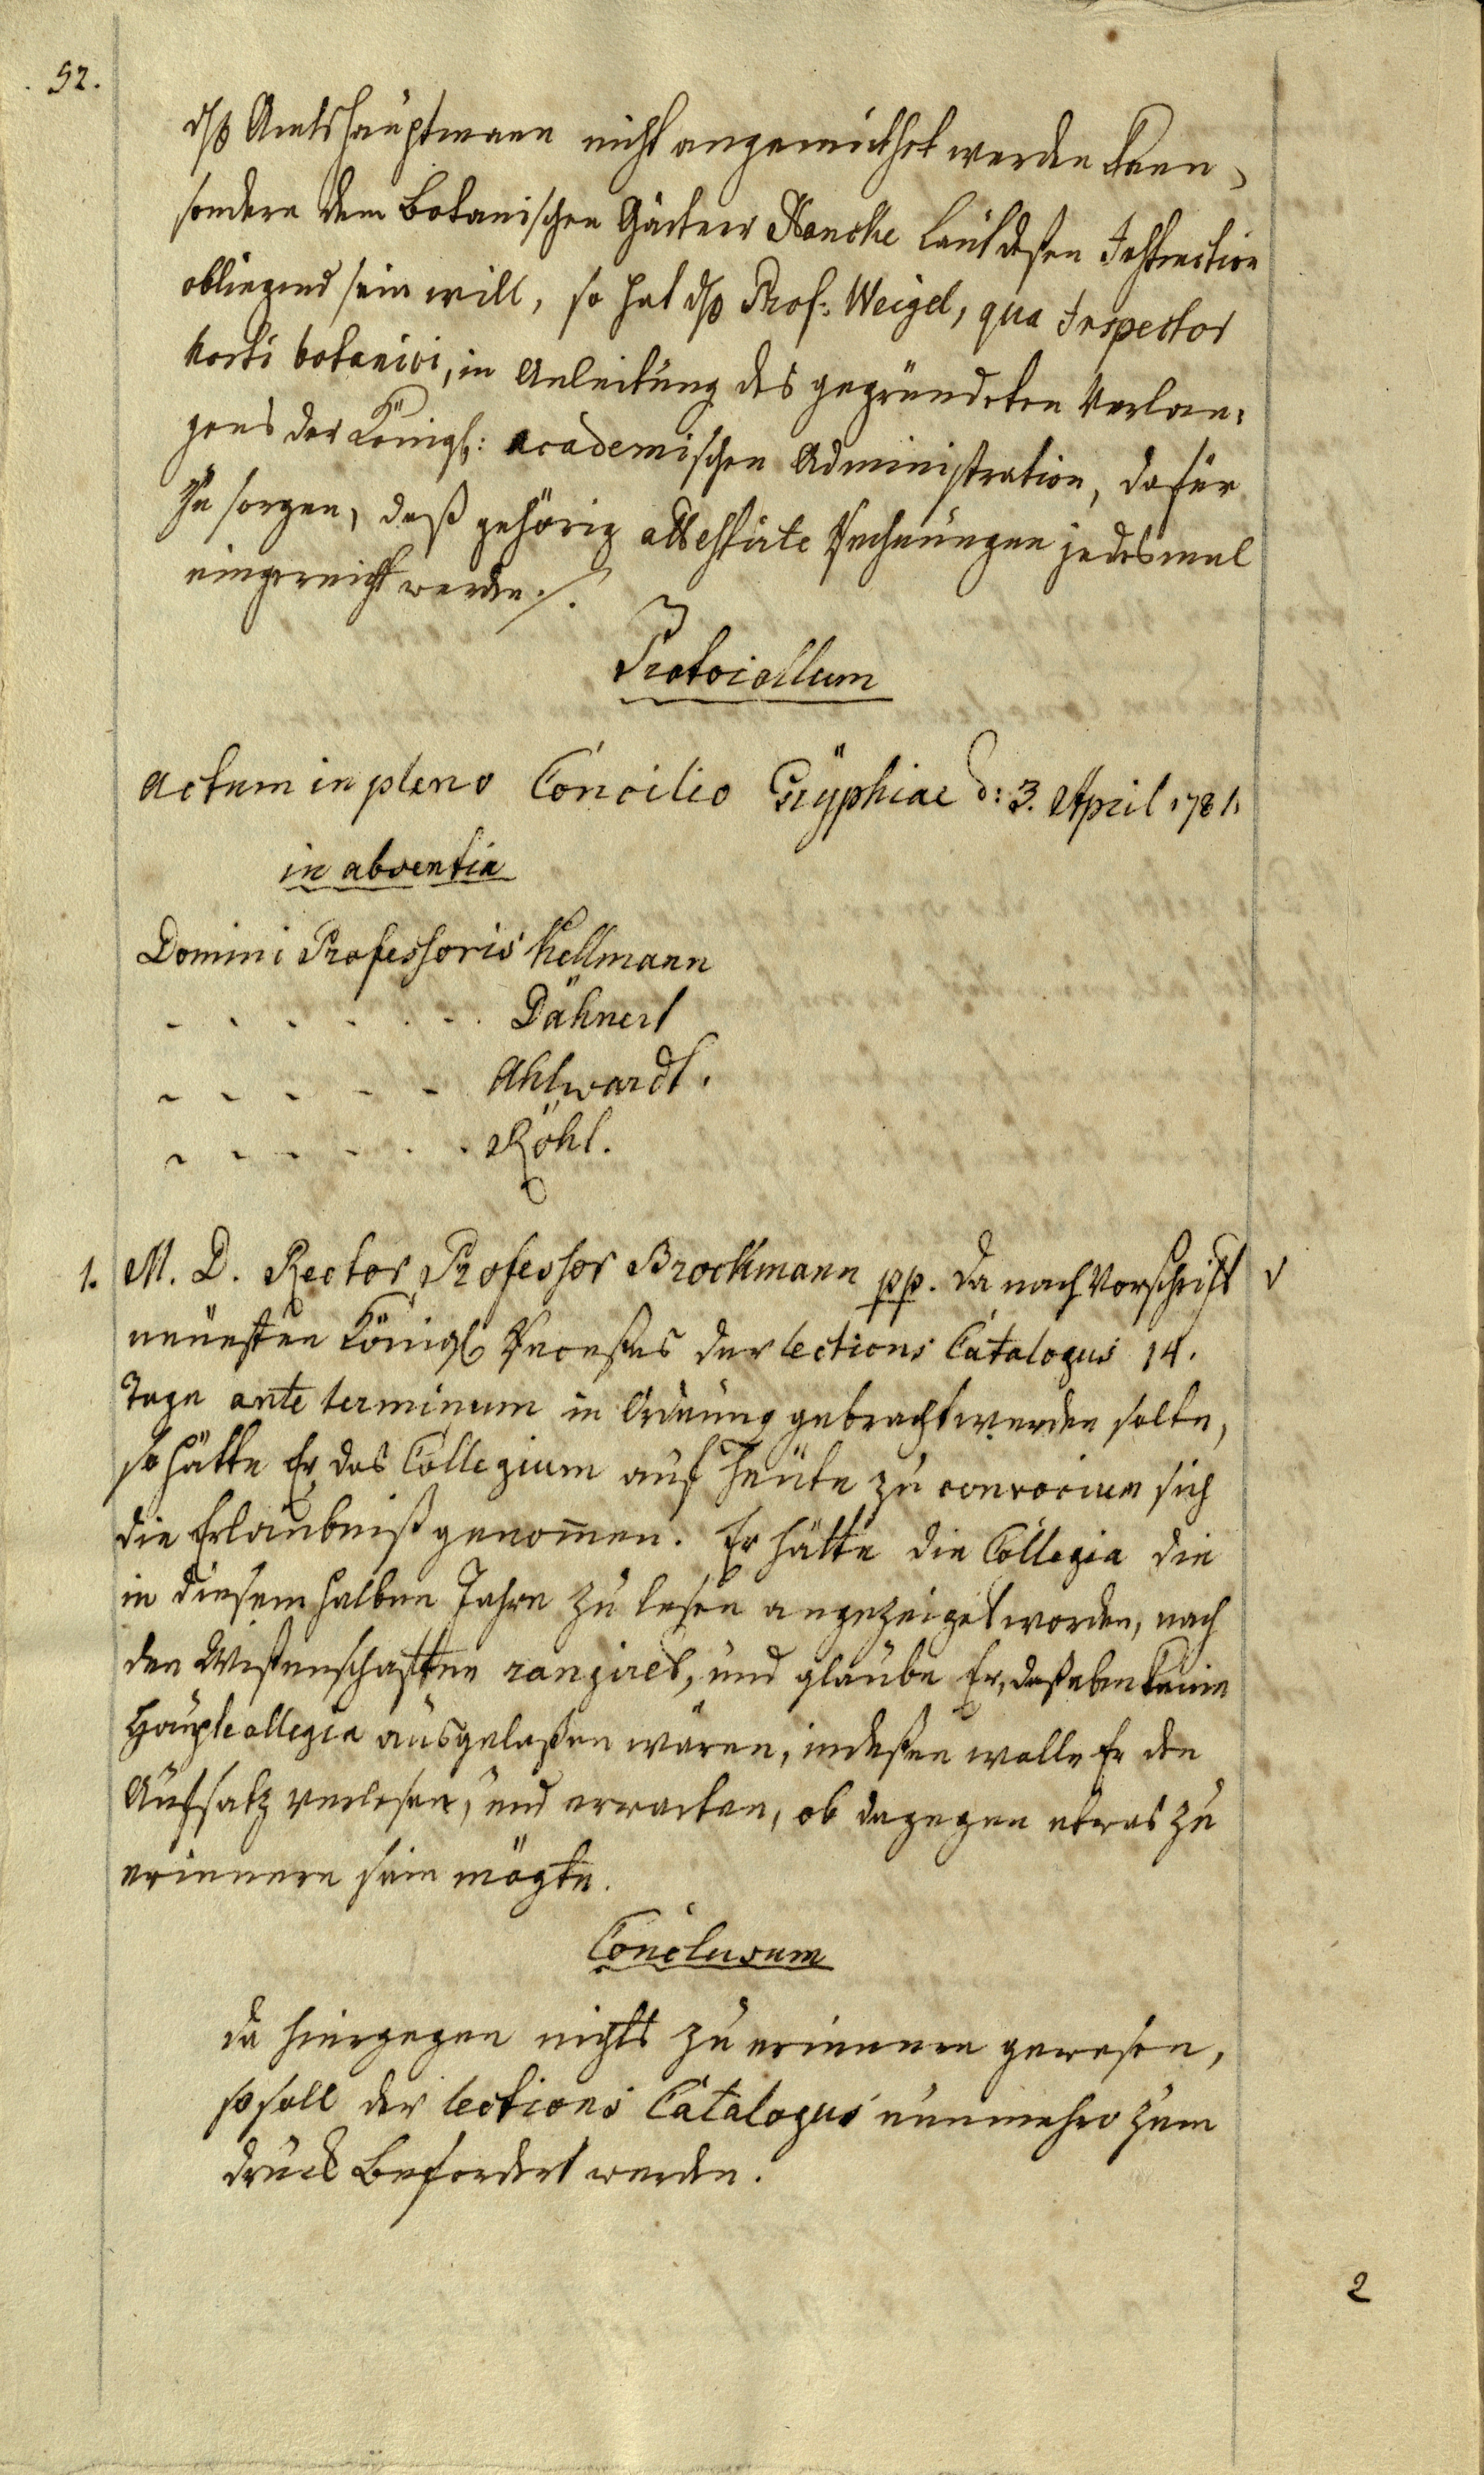dh Amtshauptmann nicht angemiethet werden kann,
sondern dem Botanischen Gärtner Hancke laut deßen Instruction
obliegend sein will, so hat dh Prof. Weigel, qua Inspector
horti botanici, in Anleitung des gegründeten Verlan¬
gens der Königl. Academischen Administration, dafür
zu sorgen, daß gehörig attestirte Rechnungen jedesmal
eingereicht werden.
Protocollum
Actum in pleno Concilio Grÿphiae d. 3. April 1871.
in absentia
Domini Professoris Kellmann
Dähnert
Ahlwardt.
Röhl.
1. M. D. Rector Professor Brockmann pp. Da nach Vorschrift
neuesten Königl. Receßes der Lections Catalogus 14.
Tage ante terminum in Ordnung gebracht werden solte,
so hätte Er das Collegium auf heute zu convocium sich
die Erlaubniß genomen. Er hätte die Collegia die
in diesem halben Jahre zu lesen angezeiget worden, nach
den Wissenschaften rangiret, und glaube Er, daß eben keine
Hauptcollegia ausgelaßen wären, indeßen wolle Er den
Aufsatz verlesen, und erwarten, ob dagegen etwas zu
erinnern sein mögte.
Conclusum
Da hiergegen nichts zu erinnern gewesen,
so soll der lections Catalogus nunmehro zum
Druck befordert werden.
2